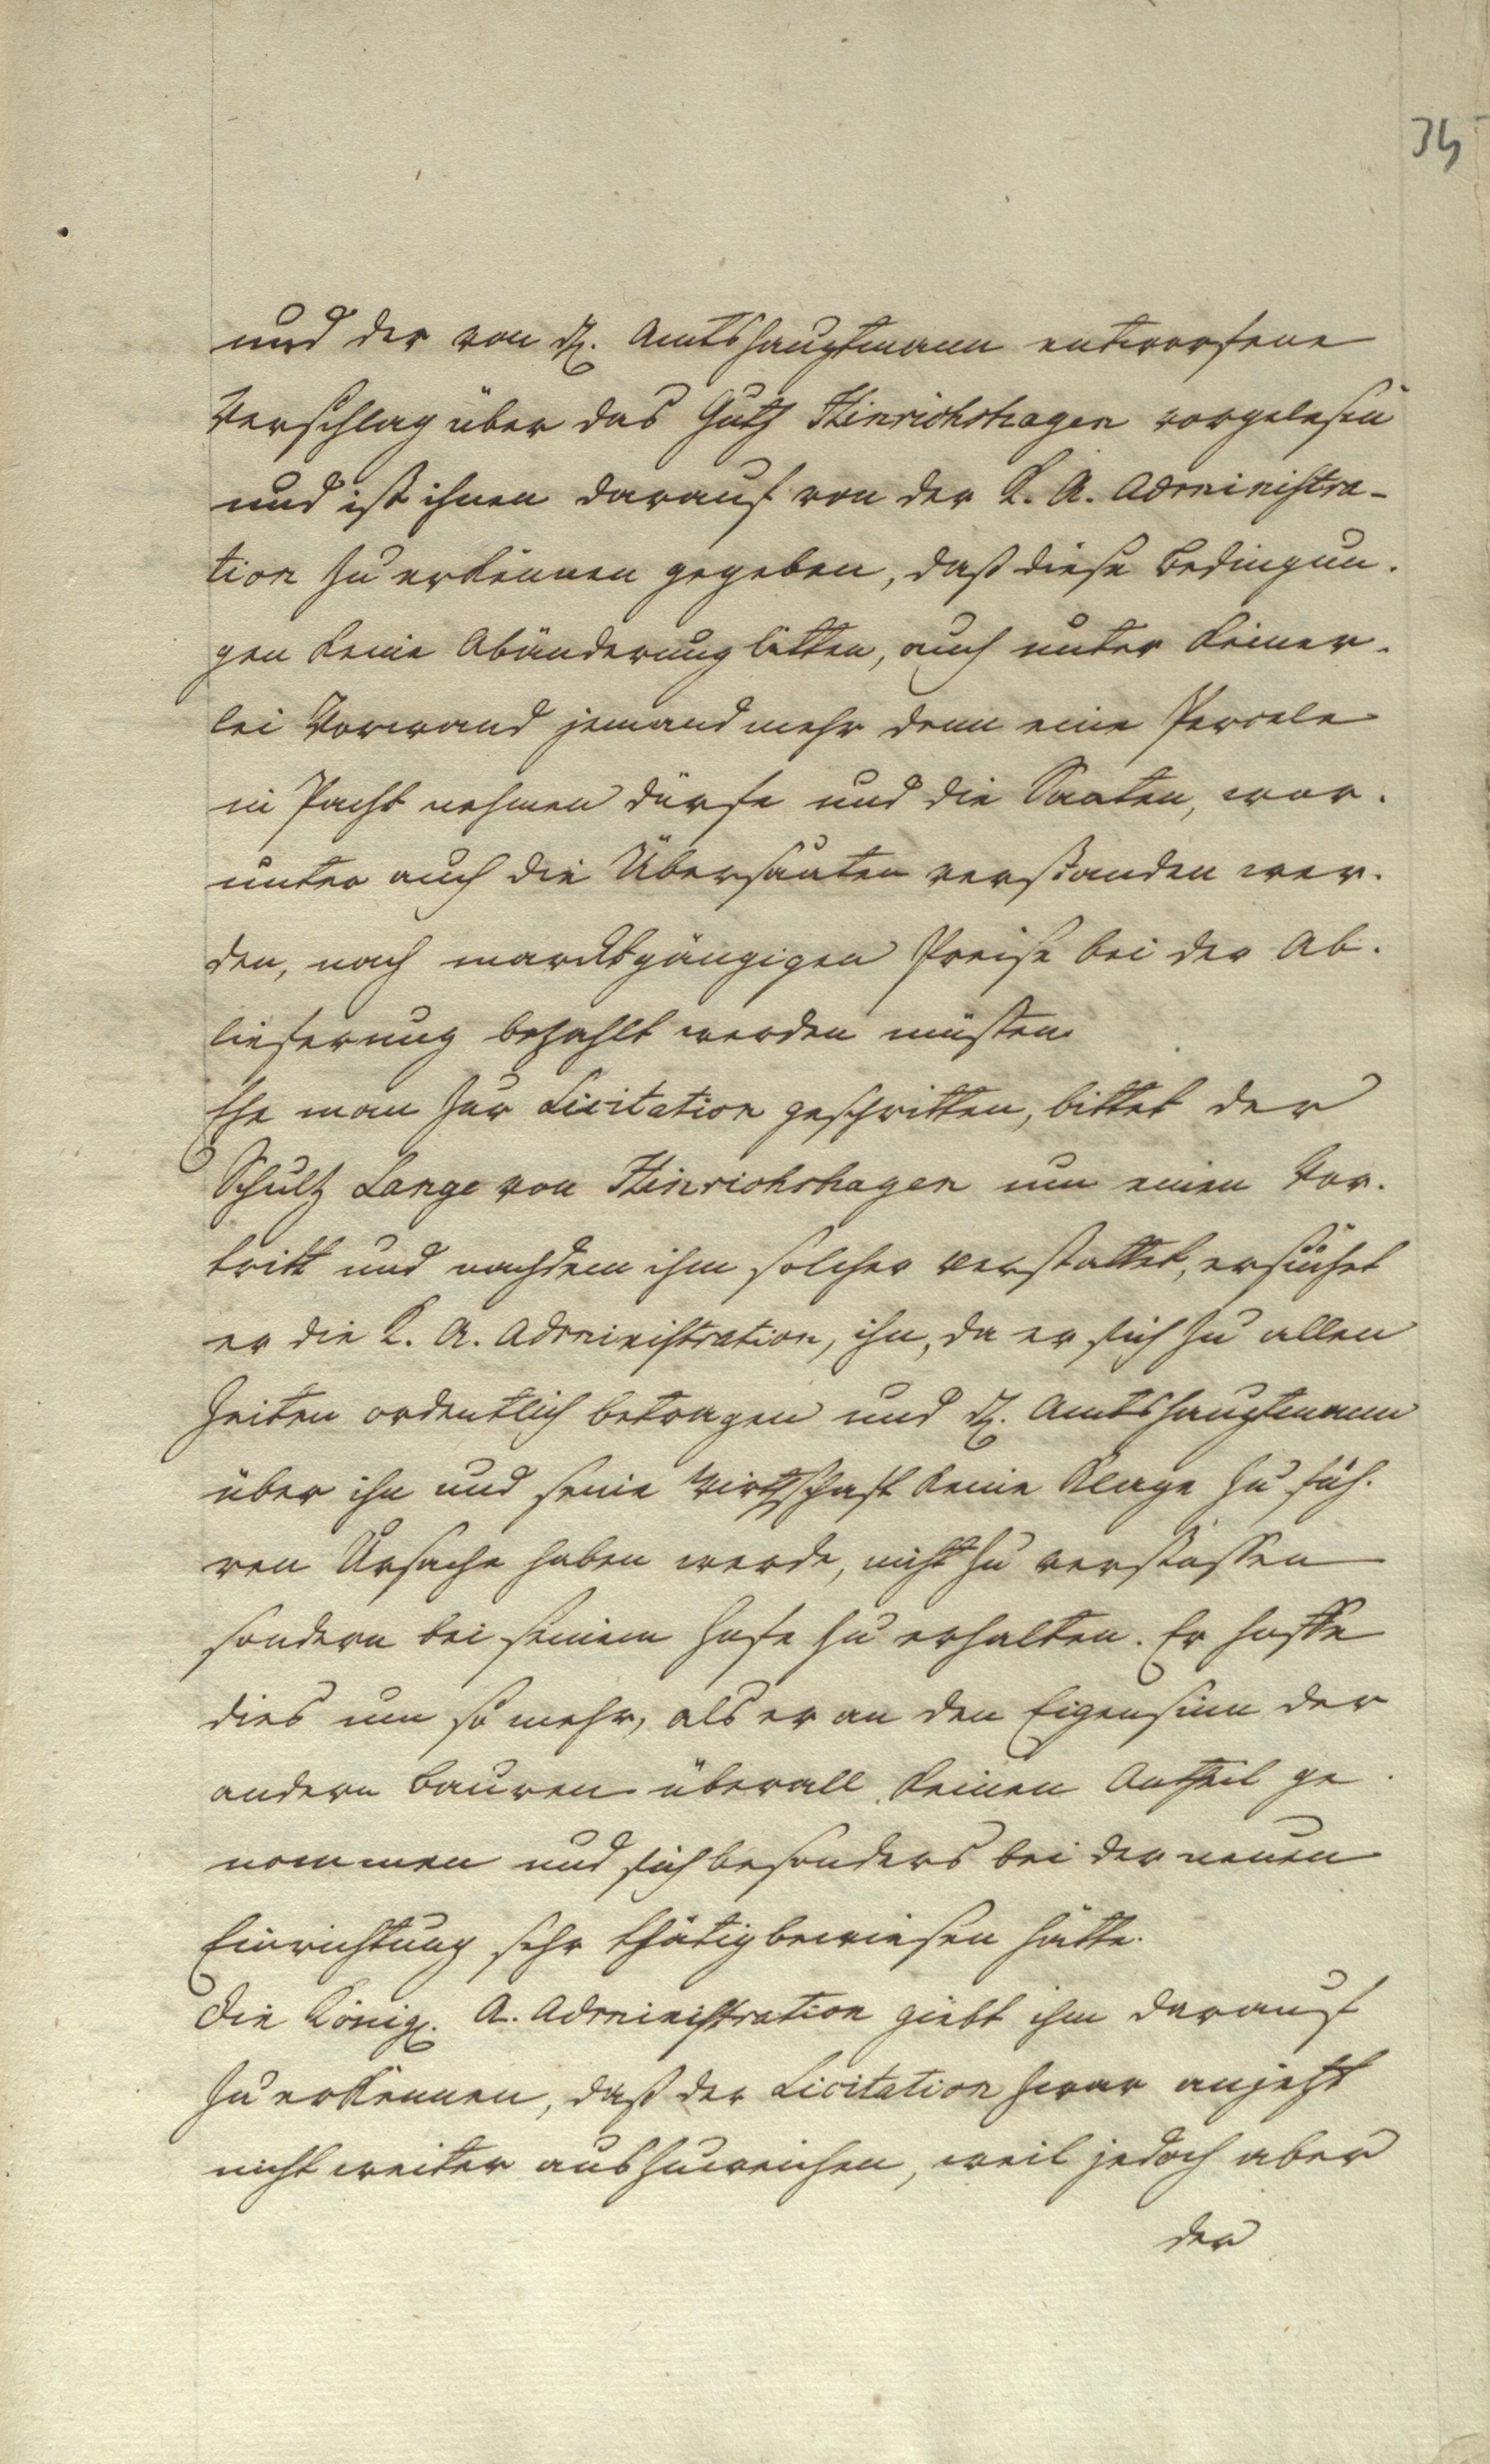und der von dh. Amtshauptmann entworfene
Verschlag über das Guth Hinrichshagen vorgelesn
und ist ihnen darauf von der K. A. Administra¬
tion zu erkennen gegeben, daß diese Bedingun¬
gen keine Abänderung litten, auch unter keiner¬
lei Vorwand jemand mehr denn eine Percele
in Pacht nehmen dürfen und die Saaten, wor¬
unter auch die Übersauten verstanden wer¬
den, nach marcktgängigen Preise bei der Ab¬
lieferung bezahlt werden müßten.
Ehe man zur Licitation geschritten, bittet der
Schulz Lange von Hinrichshagen um einen Vor¬
tritt und nachdem ihm solcher verstattet, ersuchet
er die K. A. Administration, ihn, da er sich zu allen
Zeiten ordentlich betragen und dh. Amtshauptmann
über ihn und seine Wirthschaft keine Klage zu füh¬
ren Ursache haben werde, nicht zu verstossen
sondern bei seinem Hofe zu erhalten. Er hoffe
dies um so mehr, als er an den Eigensinn der
andern Bauren überall keinen Antheil ge¬
nommen und sich besonders bei der neuen
Einrichtung sehr thätig bewiesen hätte.
Die Königl. A. Administration giebt ihm darauf
zu erkennen, daß der Licitation zwar anjetzt
nicht weiter auszuweichen, weil jedoch aber
der